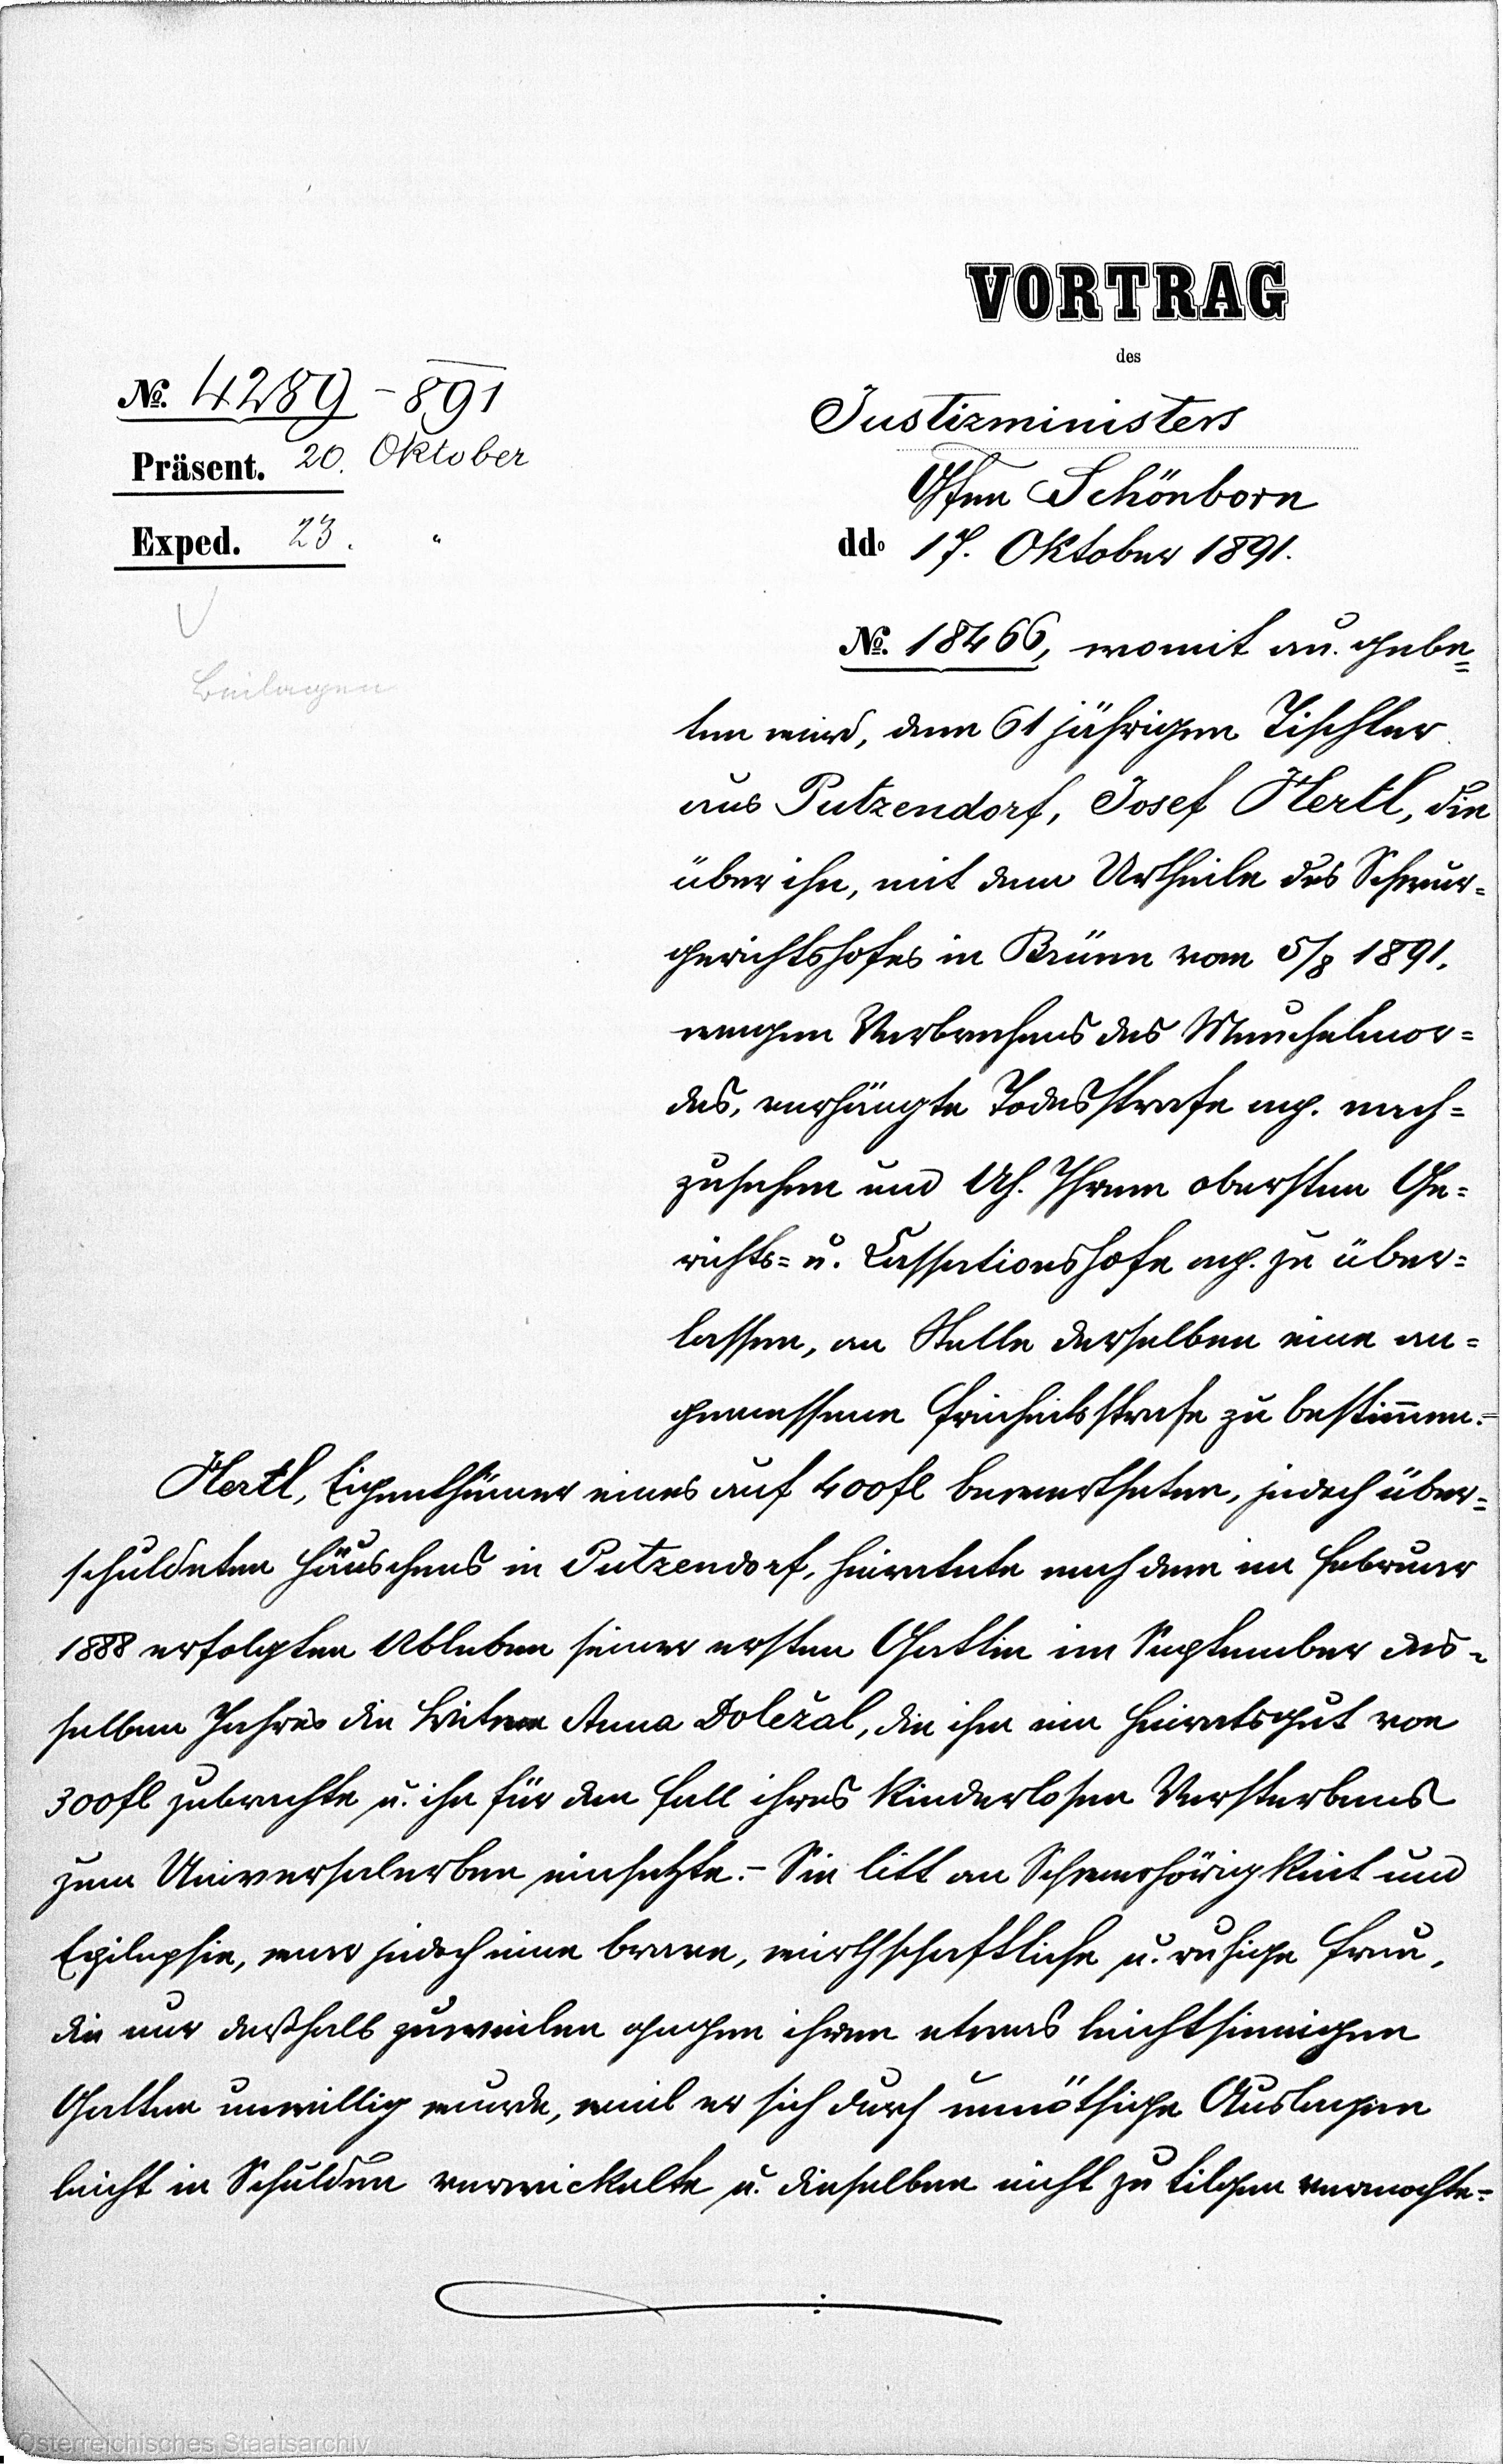No. 4289 - 1891
Präsent. 20. Oktober
Exped. 23. „
Beilagen
VORTRAG
des
Justizministers
Gfen Schönborn
ddo 17. Oktober 1891
No. 18466 Womit au. Gebe¬
ten wird, den 61jährigen Tischler
aus Putzendorf, Josef Hertl, die
über mit dem Urtheile des Schwur¬
gerichtshofes in Brünn vom 5/8/1891
wegen Verbrechens des Meuchelmor¬
des, verhängte Todesstrafe ag. Nach¬
zusehen und Ah. Ihrem obersten Ge¬
richts- u. Cassationshofe ag zu über¬
lassen, an Stelle derselben eine an¬
gemessene Freiheitsstrafe zu bestimmen.
Hertl, Eigenthümer eines auf 400fl bewertheten, jedoch über¬
schuldeten Häuschens in Putzendorf, heiratete nach dem im Februar
1888 erfolgten Ableben seiner ersten Gattin im September des¬
selben Jahres die Witwe Anna Doležal, die ihm ein Heiratsgut von
300fl zubrachte u. ihn für den Fall ihres Kinderlosen Versterbens
zum Universalerben einsetzte. Sie litt an Schwerhörigkeit und
Epilepsie, war jedoch eine brave, wirthschaftliche u. ruhige Frau,
die nur deßhalb zuweilen gegen ihren etwas leichtsinnigen
Gatten unwillig wurde, weil er sich durch unnöthige Auslegen
leicht in Schulden verwickelte u dieselben nicht zu tilgen vermochte.